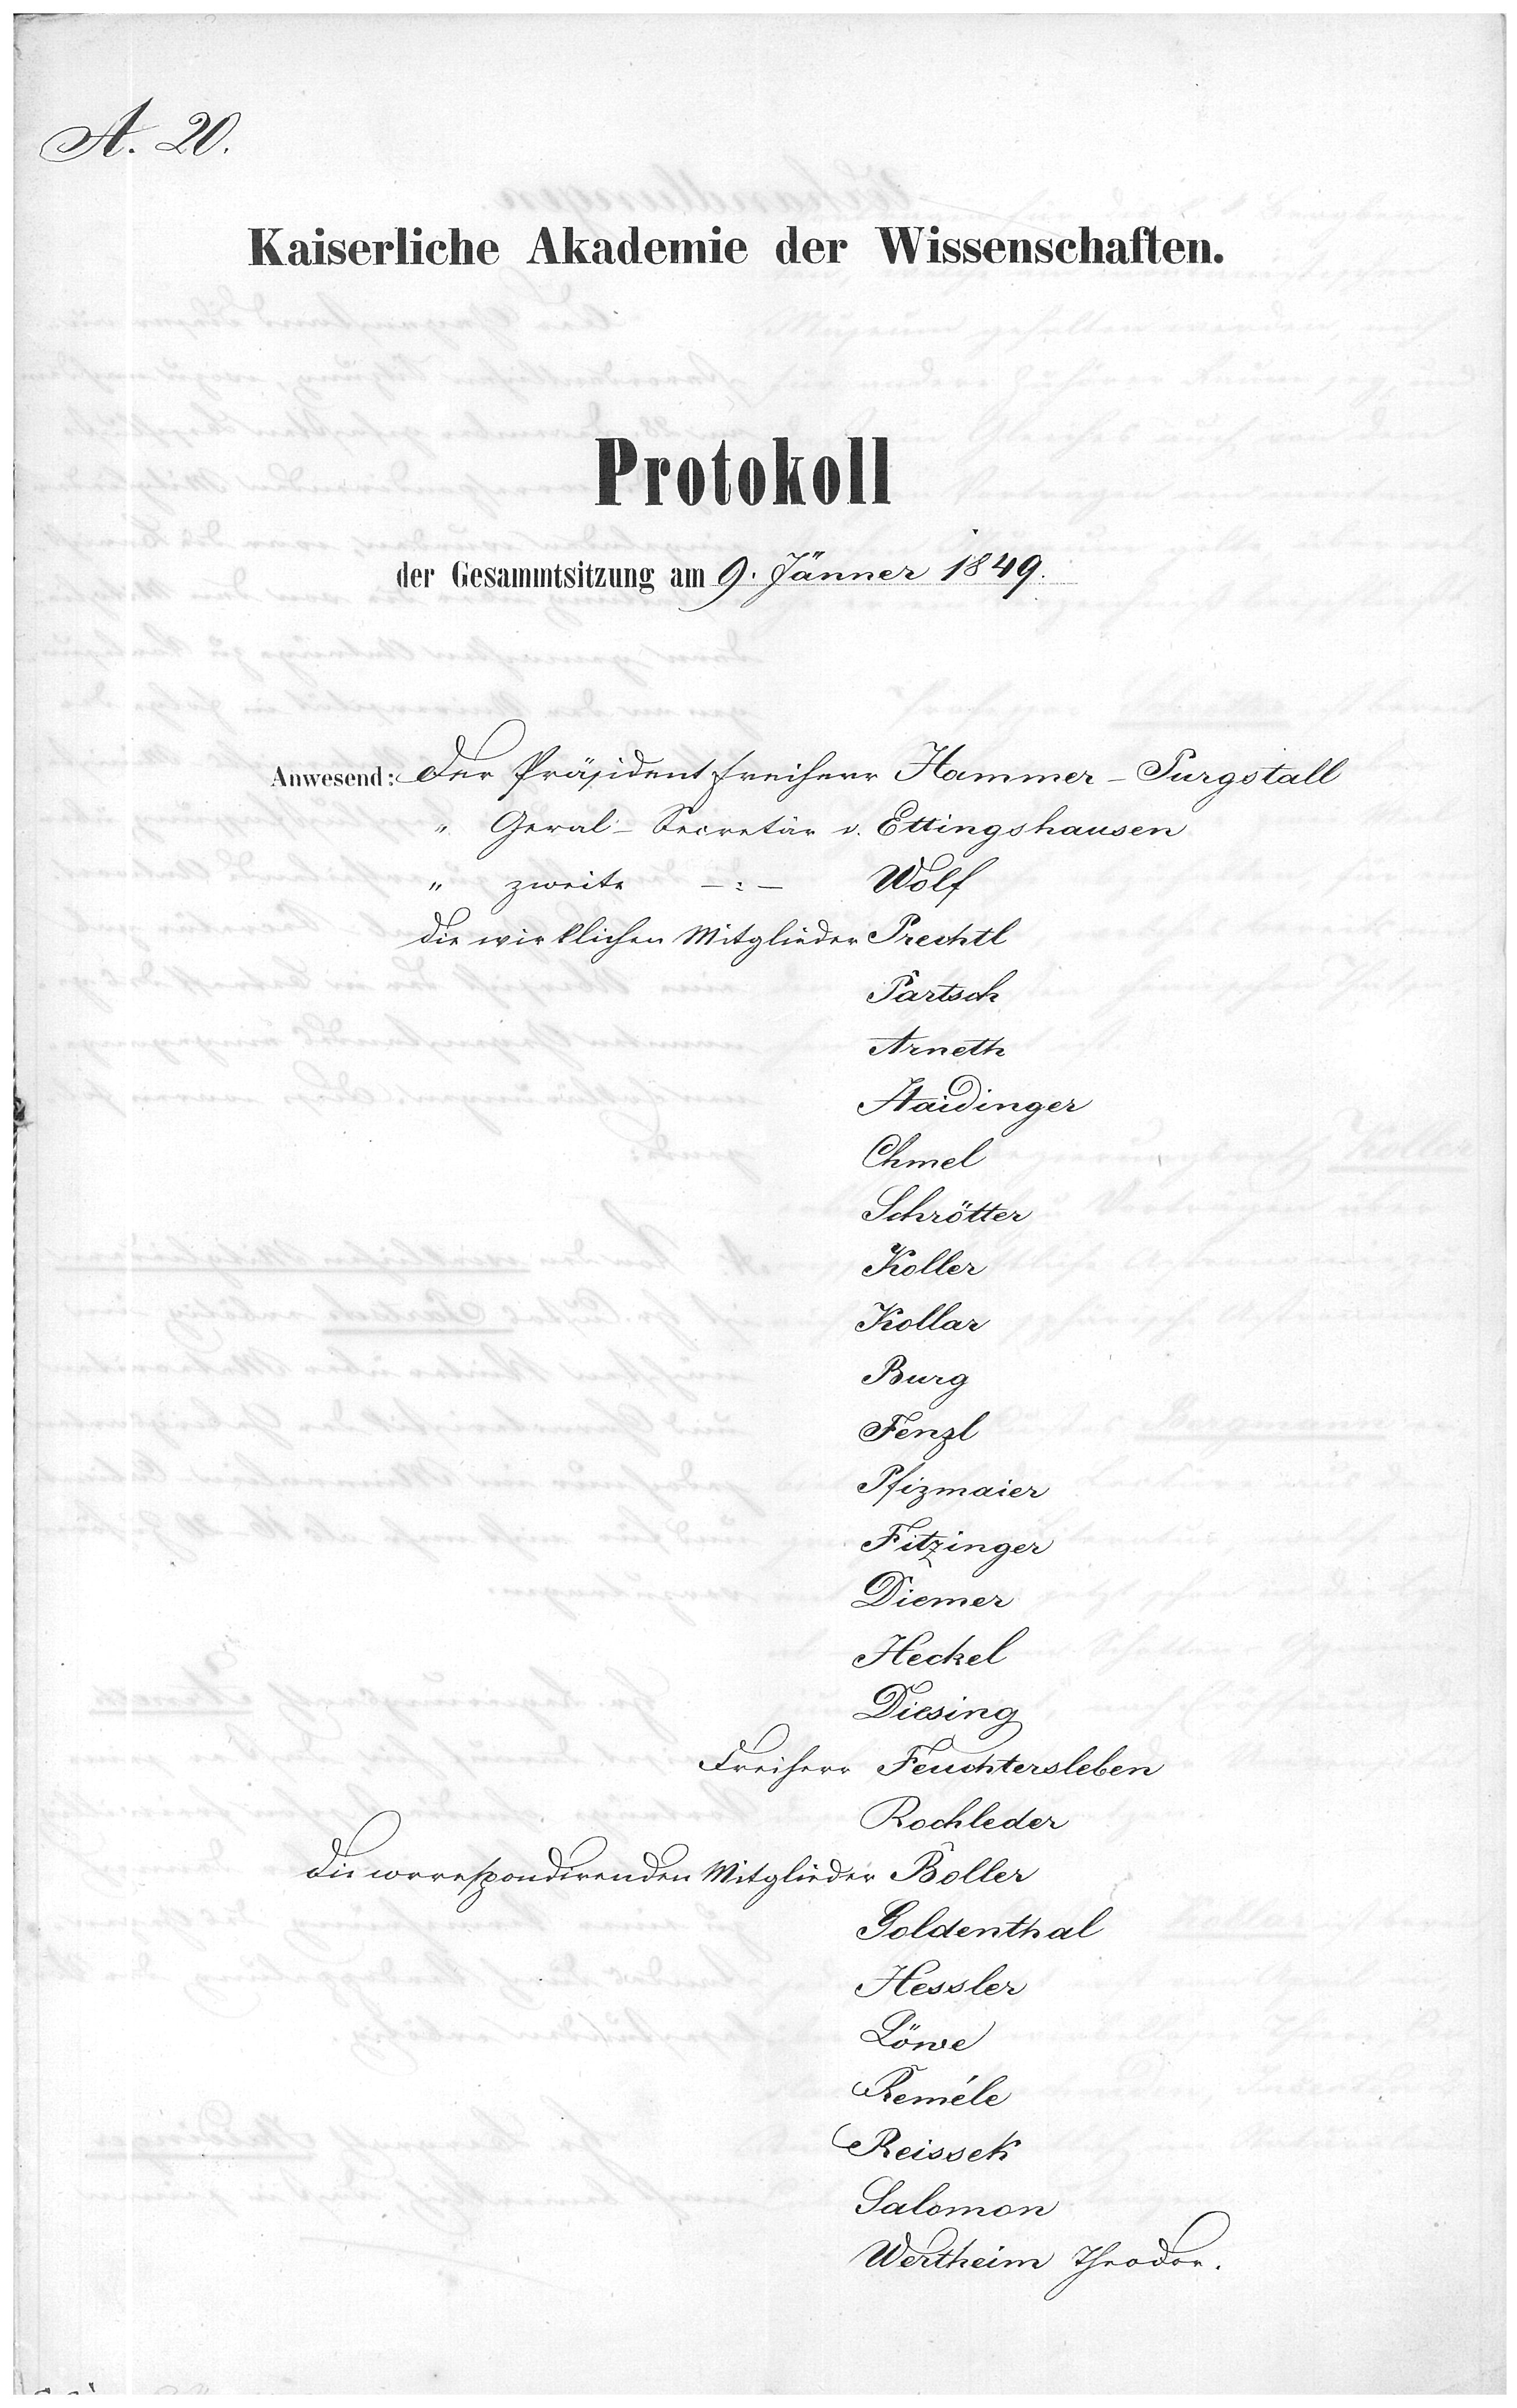A. 20.
Kaiserliche Akademie der Wissenschaften.
Protokoll
der Gesammtsitzung am 9. Jänner 1849
Der Präsident Freiherr Hammer-Purgstall
" Geral-Secretär v. Ettingshausen
" zweite " Wolf
Anwesend:
die wirklichen Mitglieder Prechtl
Partsch
Arneth
Haidinger
Chmel
Schrötter
Koller
Kollar
Burg
Fenzl
Pfizmaier
Fitzinger
Diemer
Heckel
Diesing
Freiherr Feuchtersleben
Rochleder
Die correspondirenden Mitglieder Boller
Goldenthal
Hessler
Löwe
Reméle
Reissek
Salomon
Wertheim Theodor